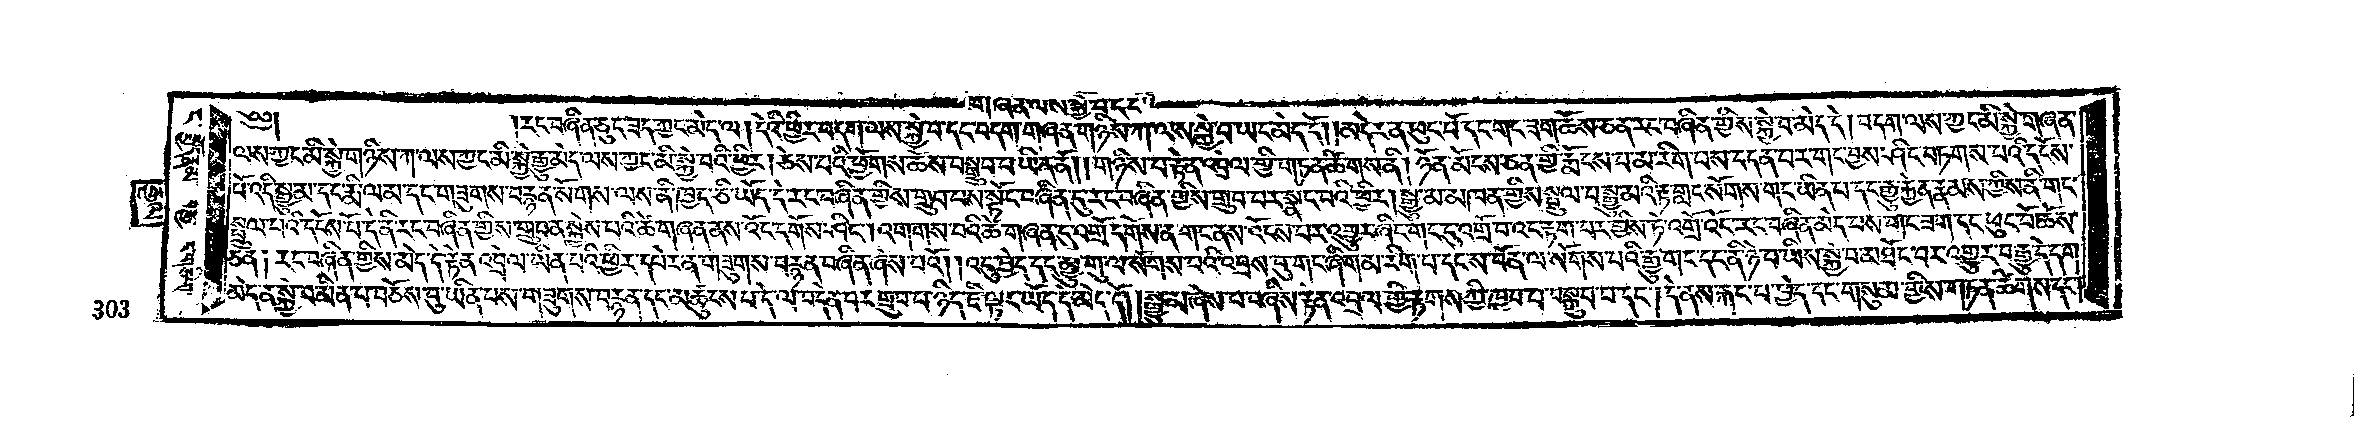༄༅། །རང་བཞིན་ཅུང་ཟད་ཀྱང་མེད་ལ། དེའི་ཕྱིར་བདག་ལས་སྐྱེ་བ་དང་གཞན་ལས་སྐྱེ་བ་དང་། བདག་གཞན་གཉིས་ཀ་ལས་སྐྱེ་བ་ཡང་མེད་དོ། །མདོར་ན་ཕུང་པོ་དང་གང་ཟག་ཆོས་ཅན་རང་བཞིན་གྱིས་ཀྱེ་བ་མེད་དེ། བདག་ལས་ཀྱང་མི་སྐྱེ་གཞན་
ལས་ཀྱང་མི་སྐྱེ་གཉིས་ཀ་ལས་ཀྱང་མི་སྐྱེ་རྒྱུ་མེད་ལས་ཀྱང་མི་སྐྱེ་བའི་ཕྱིར། ཅེས་པའི་ཕྱོགས་ཆོས་བསྒྲུབ་པ་ཡིན་ནོ། །གཉིས་པ་རྟེན་འབྲེལ་གྱི་གཏན་ཚིགས་ནི། ཉོན་མོངས་ཅན་གྱི་རྨོངས་པ་མ་རིག་པས་བདན་པར་གང་བྱས་ཤིང་བཏགས་པའི་དངོས་
པོ་འདི་སྒྱུ་མ་དང་རྨི་ལམ་དང་གཟུགས་བརྙན་སོགས་ལས་ནི་ཁྱད་ཅི་ཡོད་དེ་རང་བཞིན་གྱིས་གྲུབ་པས་སྟོང་བཞིན་དུ་རང་བཞིན་གྱིས་གྲུབ་པར་སྣང་བའི་ཕྱིར། སྒྱུ་མ་མཁན་གྱིས་སྤྲུལ་པ་སྒྱུ་མའི་རྟ་གླང་སོགས་གང་ཡིན་པ་དང་རྒྱུ་རྐྱེན་རྣམས་ཀྱིས་ནི་གང་
སྤྲུལ་པའི་དངོས་པོ་དེ་ནི་རང་བཞིན་གྱིས་གྲུབ་ན་སྐྱེས་པའི་ཚེ་གཞན་ནས་འོང་དགོས་ཤིང་། འགགས་པའི་ཚེ་གཞན་དུ་འགྲོ་དགོས་ན་གང་ནས་འོངས་པར་འགྱུར་ཞིང་གང་དུ་འགྲོ་བ་འང་རྟག་པར་གྱིས་ཏེ་འགྲོ་འོང་རང་བཞིན་མེད་པས་གང་ཟག་དང་ཕུང་པོ་ཆོས་
ཅན༑ རང་བཞིན་གྱིས་མེད་དེ་རྟེན་འབྲེལ་ཡིན་པའི་ཕྱིར་དཔེར་ན་གཟུགས་བརྙན་བཞིན་ཞེས་པའོ། །འདུ་བྱེད་དང་མྱུ་གུ་ལ་སོགས་པའི་འབྲས་བུ་གང་ཞིག་མ་རིག་པ་དང་ས་བོན་ལ་སོགས་པའི་རྒྱུ་གང་དང་ནི་ཉེ་བ་ཡིས་སྐྱེ་བ་མཐོང་བར་འགྱུར་བ་རྒྱུ་དེ་དག་
མེད་ན་སྐྱེ་བ་མིན་པ་བཅོས་བུ་ཡིན་པས་གཟུགས་བརྙན་དང་མཚུངས་པ་དེ་ལ་བདེན་པར་གྲུབ་པ་ཉིད་ཇི་ལྟར་ཡོད་དོ་མེད་དོ། །སྒྱུ་མ་ཞེས་པ་བཞིས་རྟེན་འབྲལ་གྱི་རྟགས་ཀྱི་ཁྱབ་པ་བསྒྲུབ་པ་དང་། དེ་ནས་རྐང་པ་ཕྱེད་དང་གསུམ་གྱིས་གཏན་ཚིགས་དང་།